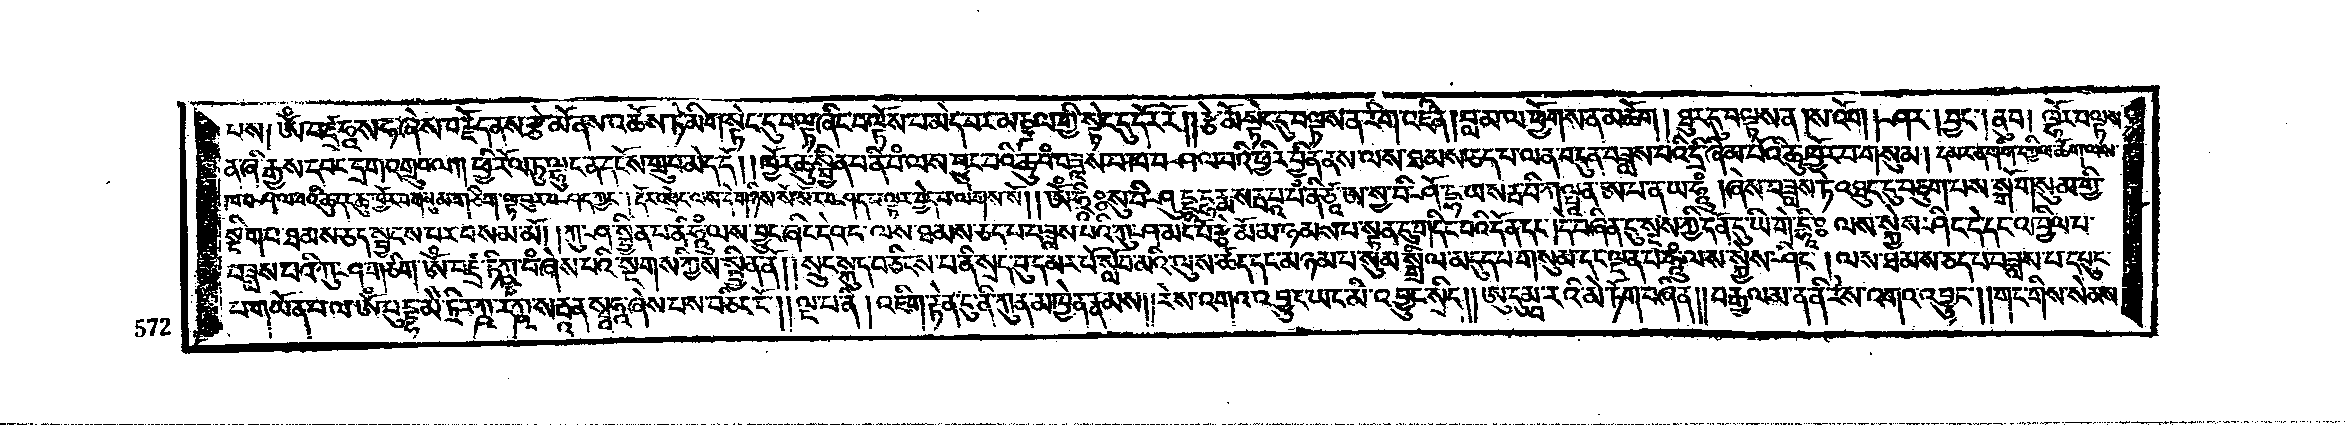པས། ཨོཾ་བཛྲ་ཧཱ་ས་ཧ་ཞེས་བརྗོད་ནས་རྩེ་མོ་ནས་འཆོས་ཏེ་མིག་སྟེང་དུ་བལྟ་ཞིང་བལྟོས་པ་མེད་པར་མཎྜལ་གྱི་སྟེང་དུ་དོར་རོ། །རྩེ་མོ་སྟེང་དུ་བལྟས་ན་རིག་འཛིན། བླ་མ་ལ་ཕྱོགས་ན་མཆོག །ཐུར་དུ་བལྟས་ན། ས་འོག། ཤར། བྱང་། ནུབ། ལྷོར་བལྟས་
ན་ཞི་རྒྱས་དབང་དྲག་འགྲུབ་ལ། །ཕྱི་རོལ་ཏུ་ལྷུང་ན་དངོས་གྲུབ་མེད་དོ། །ཁྱོར་ཆུ་སྦྱིན་པ་ནི་བཾ་ལས་བྱུང་བའི་ཆུ་བཾ་བཟླས་པ་ཁ་བཤལ་བའི་ཕྱིར་བྱིན་ནས་ལས་ཐམས་ཅད་པ་ལན་བདུན་བཟླས་པའི་དྲི་ཞིམ་པོའི་ཆུ་ཁྱོར་བ་གསུམ། དམར་ནག་གི་དཀྱིལ་ཆོག་ལས་
ཁ་བཤལ་བའི་ཆུ་དང་ཆུ་ཁྱོར་བ་གསུམ་གཅིག་ལྟ་བུར་བཤད་ཀྱང་། རྡོར་འཕྲེང་ལས་དེ་གཉིས་སོ་སོར་བཤད་པ་ལྟར་བྱེད་པ་ལེགས་སོ། །ཨོཾ་ཧྲཱིཿ སུ་བི་ཤུདྡྷ་དྷརྨ་སརྦ་པཱ་པཾ་ནི་ཙཱ་ཨ་སྱ་བི་ཤོ་དྷ་ཡ་སརྦ་བི་ཀལྤཱན་ཨ་པ་ན་ཡ་ཧཱུཾ། ཞེས་བཟླས་ཏེ་འཐུང་དུ་བཅུག་པས་སྒོ་གསུམ་གྱི་
སྡིག་པ་ཐམས་ཅད་སྦྱངས་པར་བསམ་མོ། །ཀུ་ཤ་སྦྱིན་པ་ནི་ཧཱུཾ་ལས་བྱུང་ཞིང་དེའང་ལས་ཐམས་ཅད་པ་བཟླས་པའི་ཀུ་ཤ་མང་པོ་རྩེ་མོ་མ་ཉམས་པ་སྟན་དུ་གདིང་བའི་དོན་དང་། དེ་བཞིན་དུ་སྔས་ཀྱི་དོན་དུ་ཡི་གེ་དྷཱིཿ ལས་སྐྱེས་ཤིང་དེ་དང་འཁྱིལ་པ་
བཟླས་པའི་ཀུ་ཤ་གཅིག་ཨོཾ་བཛྲ་ཏིཀྵྞ་བཾ་ཞེས་པའི་སྔགས་ཀྱིས་སྦྱིན་ནོ། །སྲུང་སྐུད་བཅིངས་པ་ནི་སྲད་བུ་དམར་པོ་སློབ་མའི་ལུས་ཚད་དང་མཉམ་པ་སུམ་སྒྲིལ་མདུད་པ་གསུམ་དང་ལྡན་པ་ཧཱུཾ་ལས་སྐྱེས་ཤིང་། ལས་ཐམས་ཅད་པ་བཟླས་པ་དཔུང་
པ་གཡོན་པ་ལ་ཨོཾ་བུདྡྷ་མཻ་ཏྲི་རཀྵ་རཀྵ་སརྦཱན་སྭཱཧཱ་ཞེས་པས་བཅིང་ངོ། །ལྔ་པ་ནི། འཇིག་རྟེན་དུ་ནི་ཀུན་མཁྱེན་རྣམས། །རེས་འགའ་འབྱུང་ཡང་མི་འབྱུང་སྲིད། །ཨུ་དུམྦ་རའི་མེ་ཏོག་བཞིན། །བརྒྱ་ལམ་ན་ནི་རེས་འགའ་འབྱུང་། །གང་གིས་སེམས་